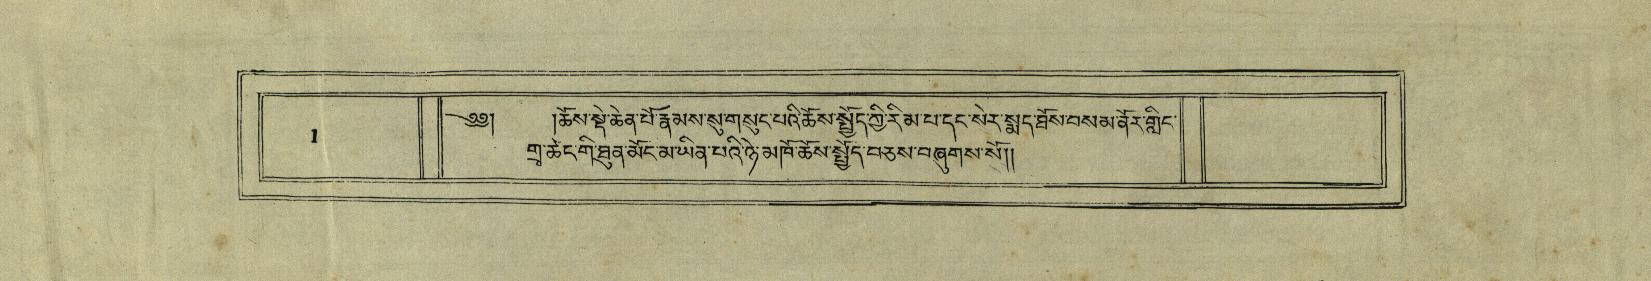༄༅། །ཆོས་སྡེ་ཆེན་པོ་རྣམས་སུ་གསུང་པའི་ཆོས་སྤྱོད་ཀྱི་རིམ་པ་དང་སེར་སྨད་ཐོས་བསམ་ནོར་གླིང་
གྲྭ་ཚང་གི་ཐུན་མོང་མ་ཡིན་པའི་ཉེ་མཁོ་ཆོས་སྤྱོད་བཅས་བཞུགས་སོ།།